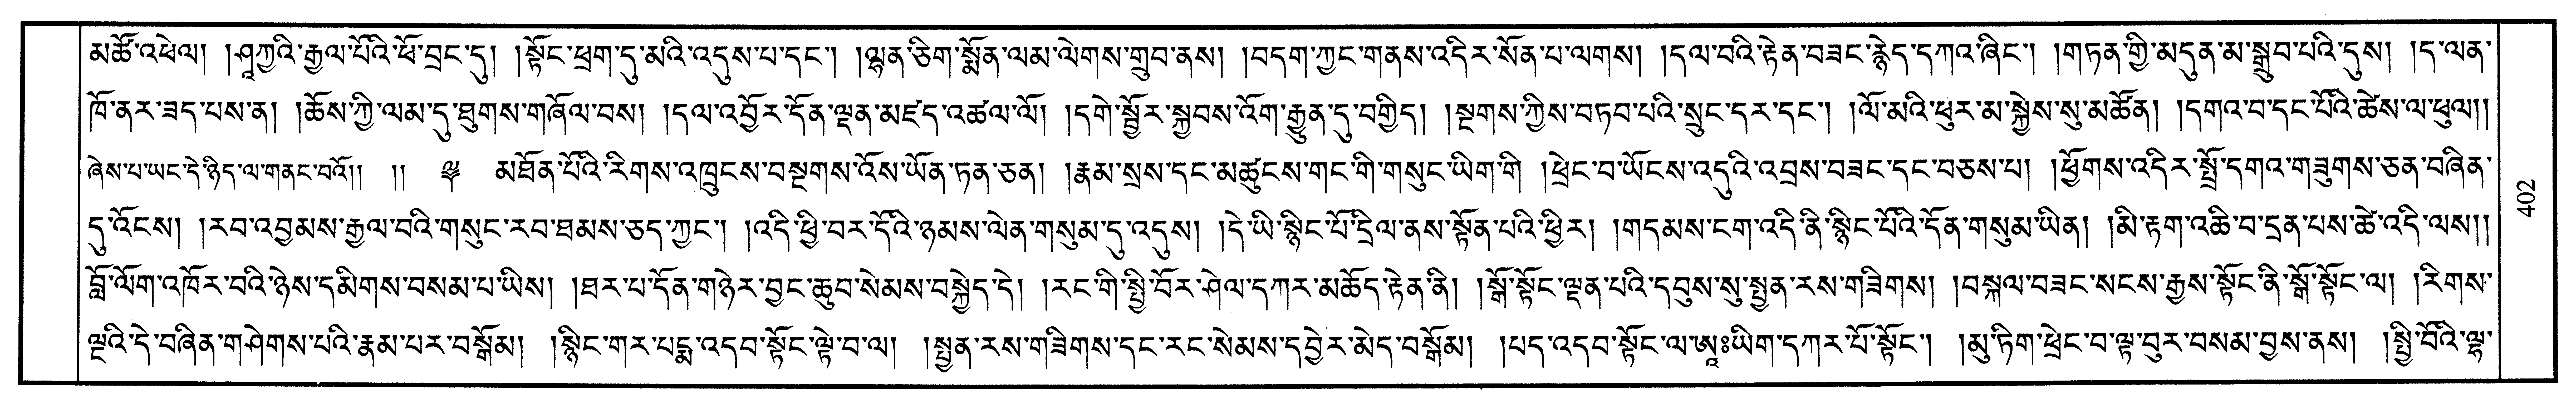མཚོ་འཕེལ། །ཤཱཀྱའི་རྒྱལ་པོའི་ཕོ་བྲང་དུ། །སྟོང་ཕྲག་དུ་མའི་འདུས་པ་དང་། །ལྷན་ཅིག་སྨོན་ལམ་ལེགས་གྲུབ་ནས། །བདག་ཀྱང་གནས་འདིར་སོན་པ་ལགས། །དལ་བའི་རྟེན་བཟང་རྙེད་དཀའ་ཞིང་། །གཏན་གྱི་མདུན་མ་སྒྲུབ་པའི་དུས། །ད་ལན་
ཁོ་ནར་ཟད་པས་ན། །ཆོས་ཀྱི་ལམ་དུ་ཐུགས་གཞོལ་བས། །དལ་འབྱོར་དོན་ལྡན་མཛད་འཚལ་ལོ། །དགེ་སྦྱོར་སྐྱབས་འོག་རྒྱུན་དུ་བགྱིད། །སྔགས་ཀྱིས་བཏབ་པའི་སྲུང་དར་དང་། །ལོ་མའི་ཕུར་མ་སྐྱེས་སུ་མཚོན། །དགའ་བ་དང་པོའི་ཚེས་ལ་ཕུལ།།
ཞེས་པ་ཡང་དེ་ཉིད་ལ་གནང་བའོ།། །། ༈ མཐོན་པོའི་རིགས་འཁྲུངས་བསྔགས་འོས་ཡོན་ཏན་ཅན། །རྣམ་སྲས་དང་མཚུངས་གང་གི་གསུང་ཡིག་གི །ཕྲེང་བ་ཡོངས་འདུའི་འབྲས་བཟང་དང་བཅས་པ། །ཕྱོགས་འདིར་སྤྲོ་དགའ་གཟུགས་ཅན་བཞིན་
དུ་འོངས། །རབ་འབྱམས་རྒྱལ་བའི་གསུང་རབ་ཐམས་ཅད་ཀྱང་། །འདི་ཕྱི་བར་དོའི་ཉམས་ལེན་གསུམ་དུ་འདུས། །དེ་ཡི་སྙིང་པོ་དྲིལ་ནས་སྟོན་པའི་ཕྱིར། །གདམས་ངག་འདི་ནི་སྙིང་པོའི་དོན་གསུམ་ཡིན། །མི་རྟག་འཆི་བ་དྲན་པས་ཚེ་འདི་ལས།།
བློ་ལོག་འཁོར་བའི་ཉེས་དམིགས་བསམ་པ་ཡིས། །ཐར་པ་དོན་གཉེར་བྱང་ཆུབ་སེམས་བསྐྱེད་དེ། །རང་གི་སྤྱི་བོར་ཤེལ་དཀར་མཆོད་རྟེན་ནི། །སྒོ་སྟོང་ལྡན་པའི་དབུས་སུ་སྤྱན་རས་གཟིགས། །བསྐལ་བཟང་སངས་རྒྱས་སྟོང་ནི་སྒོ་སྟོང་ལ། །རིགས་
ལྔའི་དེ་བཞིན་གཤེགས་པའི་རྣམ་པར་བསྒོམ། །སྙིང་གར་པདམ་འདབ་སྟོང་ལྟེ་བ་ལ། །སྤྱན་རས་གཟིགས་དང་རང་སེམས་དབྱེར་མེད་བསྒོམ། །པད་འདབ་སྟོང་ལ་ཨཱཿ ཡིག་དཀར་པོ་སྟོང་། །མུ་ཏིག་ཕྲེང་བ་ལྟ་བུར་བསམ་བྱས་ནས། །སྤྱི་བོའི་ལྷ་